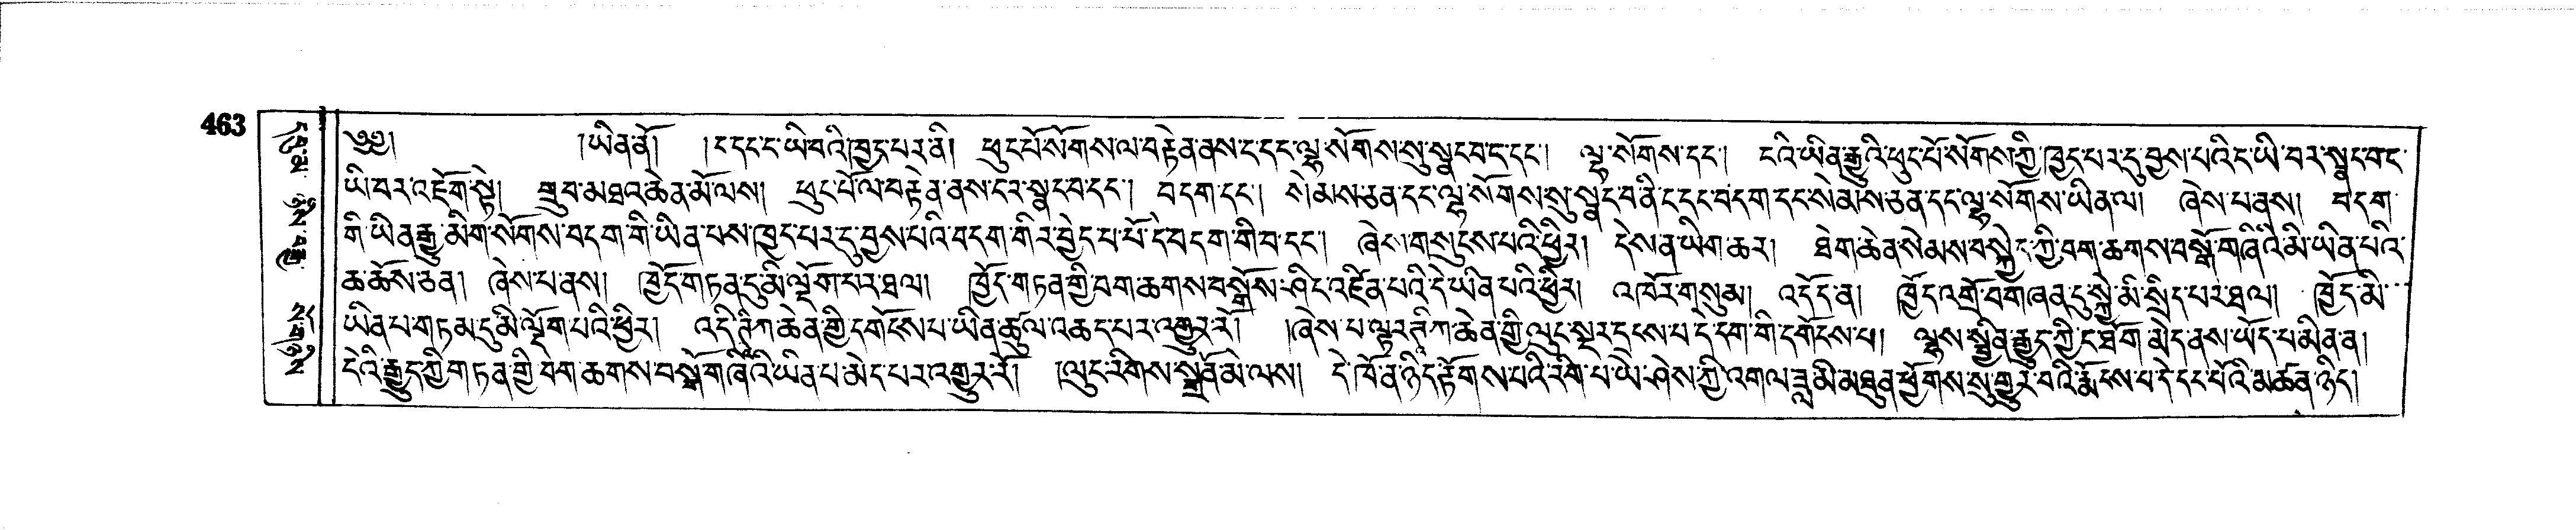༄༅། །ཡིན་ནོ། །ང་དང་ང་ཡི་བའི་ཁྱད་པར་ནི། ཕུང་པོ་སོགས་ལ་བརྟེན་ནས་ང་དང་ལྷ་སོགས་སུ་སྣང་བ་ང་དང་། ལྷ་སོགས་དང་། ངའི་ཡིན་རྒྱུའི་ཕུང་པོ་སོགས་ཀྱི་ཁྱད་པར་དུ་བྱས་པའི་ང་ཡི་བར་སྣང་བ་ང་
ཡི་བར་འཇོག་སྟེ། གྲུབ་མཐའ་ཆེན་མོ་ལས། ཕུང་པོ་ལ་བརྟེན་ནས་ངར་སྣང་བ་དང་། བདག་དང་། སེམས་ཅན་དང་ལྷ་སོགས་སུ་སྣང་བ་ནི་ང་དང་བདག་དང་སེམས་ཅན་དང་ལྷ་སོགས་ཡིན་ལ། ཞེས་པ་ནས། བདག་
གི་ཡིན་རྒྱུ་མིག་སོགས་བདག་གི་ཡིན་པས་ཁྱད་པར་དུ་བྱས་པའི་བདག་གིར་བྱེད་པ་པོ་དེ་བདག་གི་བ་དང་། ཞེས་གསུངས་པའི་ཕྱིར། དེས་ན་ཡིག་ཆར། ཐེག་ཆེན་སེམས་བསྐྱེད་ཀྱི་བག་ཆགས་བསྒོ་གཞིའི་མི་ཡིན་པའི་
ཆ་ཆོས་ཅན། ཞེས་པ་ནས། ཁྱོད་གཏན་དུ་མི་ལྡོག་པར་ཐལ། ཁྱོད་གཏན་གྱི་བག་ཆགས་བསྒོས་ཤིང་འཛིན་པའི་དེ་ཡིན་པའི་ཕྱིར། འཁོར་གསུམ། འདོད་ན། ཁྱོད་འགྲོ་བ་གཞན་དུ་སྐྱེ་མི་སྲིད་པར་ཐལ། ཁྱོད་མི་
ཡིན་པ་གཏམ་དུ་མི་ལྡོག་པའི་ཕྱིར། འདི་ཊཱིཀ་ཆེན་གྱི་དགོངས་པ་ཡིན་ཚུལ་འཆད་པར་འགྱུར་རོ། །ཞེས་པ་ལྟར་ཊཱིཀ་ཆེན་གྱི་ལུང་སྔར་དྲངས་པ་དེ་དག་གི་དགོངས་པ། ལྷས་སྦྱིན་རྒྱུད་ཀྱི་ང་ཐོག་མེད་ནས་ཡོད་པ་མིན་ན།
དེའི་རྒྱུད་ཀྱི་གཏན་གྱི་བག་ཆགས་བསྒོ་གཞིའི་ཡིན་པ་མེད་པར་འགྱུར་རོ། །ལུང་རིགས་སྒྲོན་མེ་ལས། དེ་ཁོ་ན་ཉིད་རྟོགས་པའི་རིག་པ་ཡེ་ཤེས་ཀྱི་འགལ་ཟླ་མི་མཐུན་ཕྱོགས་སུ་གྱུར་པའི་རྨོངས་པ་དེ་དང་པོའི་མཚན་ཉིད།